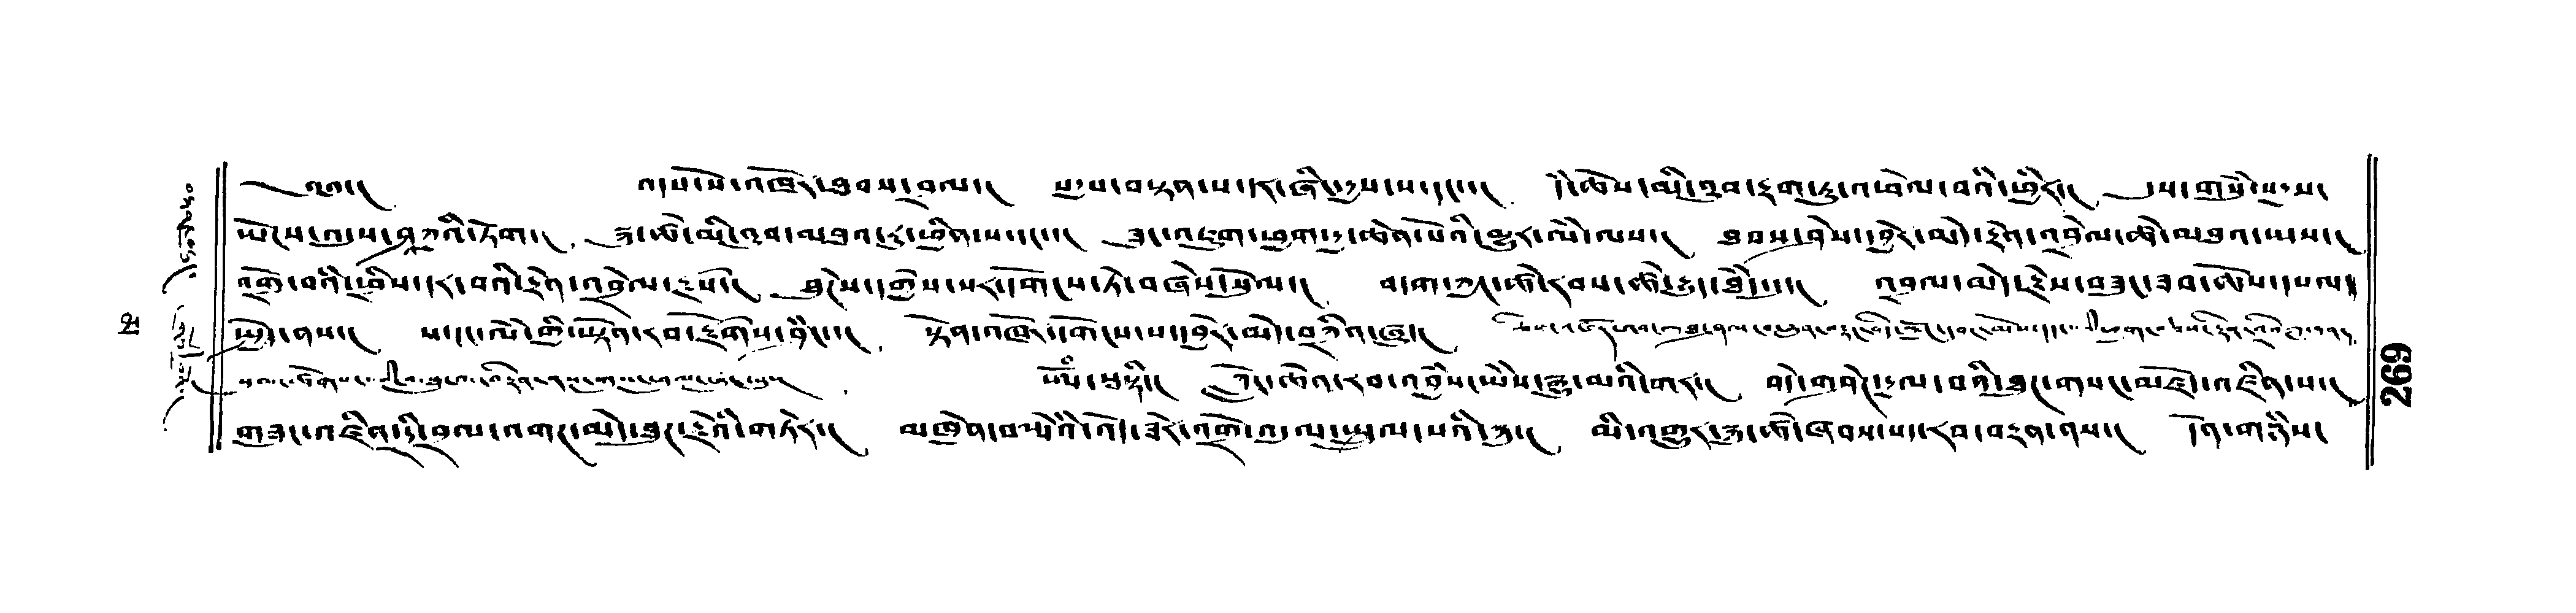འདས་སོ་འཁོར་ཐབས་བྲལ། །སངས་རྒྱས་བསྟན་པ་དར་ཞིང་རྒྱས་པ་དང་། །དམ་ཆོས་མི་ནུབ་རྟག་ཏུ་འཕེལ་བའི་ཕྱིར། །དུས་གསུམ་སངས་རྒྱས་
ཡོངས་འདུས་ཤཱཀྱའི་ཏོག །སྐུ་ཚེ་མི་ནུབ་མཐའ་རུ་ཕྱིན་པ་དང་། །ཟུང་འཇུག་ཕྱག་རྒྱ་ཆེན་པོའི་མྱུར་ལམ་ལས། །ཐབས་ཤེས་དབྱེར་མེད་རྟེན་འབྲེལ་ཚེ་མཐའ་ཡས། །
འགྲོ་བའི་ཕྲིན་ལས་དར་བའི་རྟེན་འབྲེལ་རྫས། །ཐུགས་རྗེས་དགྱེས་པར་དགོངས་ཏེ་བཞེས་སུ་གསོལ། །བདག་ཀྱང་ཚེ་རབས་ཚེ་རྒྱུད་ཐམས་ཅད་དུ། །འབྲལ་མེད་རྗེས་བཟུང་ཟབ་ཆོས་དཔལ་
སྤྱོད་ནས། །ས་དང་ལམ་གྱི་ཡོན་ཏན་རབ་རྫོགས་ཤིང་། །སྟོན་འཁོར་དགོངས་པ་དབྱེར་མེད་བཀའ་དྲིན་ཞུ། །ཅེས་འཁོར་འབངས་ཐ་ཤལ་བ་ཀུན་བཟང་བདེ་སྐྱོང་དབང་མོས་དད་པའི་ཕྱག་བཅས་རྟེན་འབྲེལ་ཕུན་
སུམ་ཚོགས་པའི་མཐུ་ལ་བརྟེན་ནས་གུས་ཕུལ་ཞུ་ཞུ།། ཨོཾ་སྭསྟི། ཀློང་ཆེན་རབ་འབྱམས་ཡེ་ཤེས་སྒྱུ་མའི་གར། །བདེ་གཤེགས་རྒྱལ་བའི་ཐུགས་གསང་མཛོད་འཛིན་པ། །
གཟུང་འཛིན་དྲི་བྲལ་འགགས་མེད་ཐུགས་རྗེའི་གཏེར། །མཁྱེན་བརྩེའི་འོད་ཟེར་འགྲོ་འདུལ་སྤྲུལ་པའི་སྐུ། །མི་འགྱུར་སྐུ་ཚེ་ཞབས་པད་རབ་བརྟན་ནས། །དོན་གཉིས་